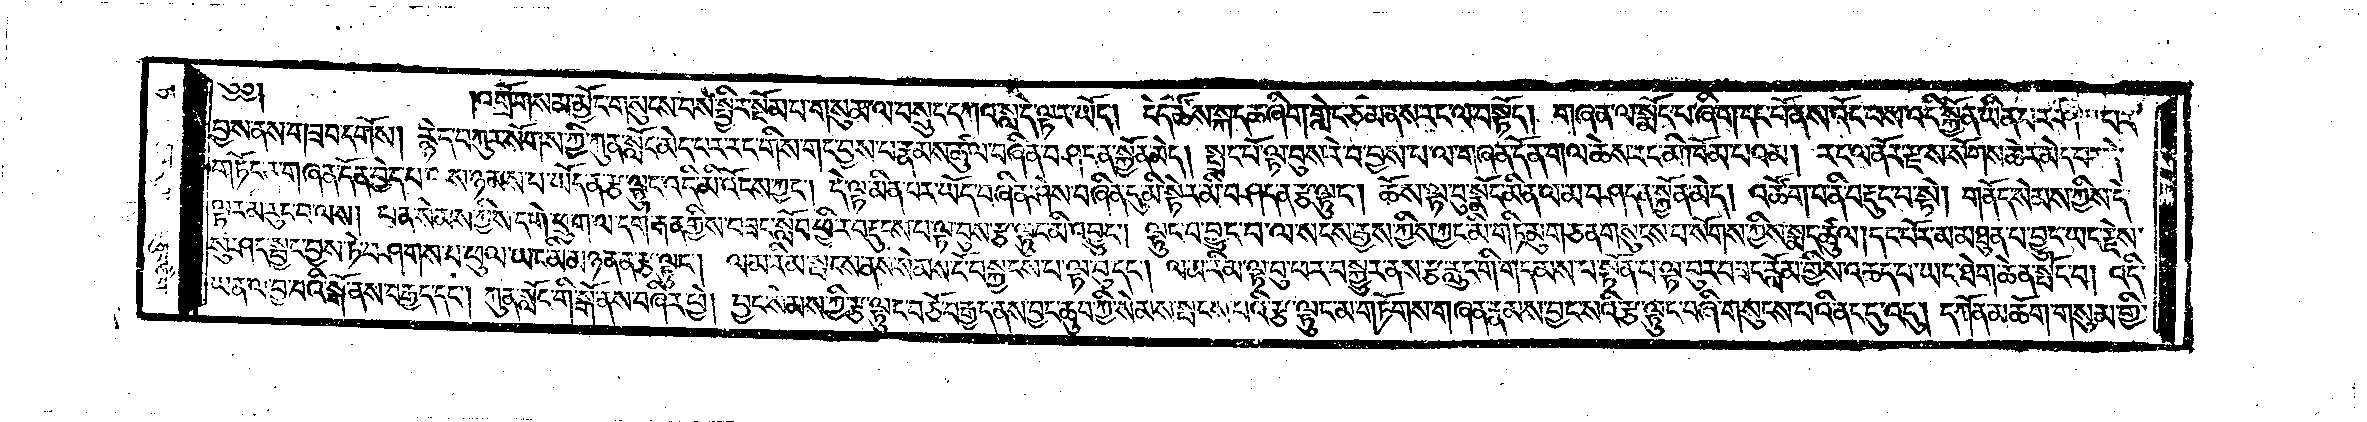༄༅། །འགྲོགས་མ་མྱོང་གསུངས་པས་སྤྱིར་སྡོམ་པ་གསུམ་ལ་བསྲུང་དཀའ་སླ་དེ་ལྟར་ཡོད། ངེད་ཚོས་སྐང་ཆ་ཞིག་གླེང་ཙམ་ནས་རང་ལ་བསྟོད། གཞན་ལ་སྨོད་པ་ཞིག་དང་པོ་ནས་འོང་བས་འདི་སྐྱོན་ཡིན་པར་ཤེས་པར་
བྱས་ནས་གཟབ་དགོས། རྙེད་པ་ཀུར་སོགས་ཀྱི་ཀུན་སློང་མེད་པར་རང་གིས་གང་བྱས་པ་རྣམས་ཚུལ་བཞིན་བཤད་ན་སྐྱོན་མེད། སྤྲང་པོ་ལྟ་བུས་རེ་བ་བྱས་པ་ལ་གཞན་དོན་གལ་ཆེས་རང་མི་ཁོམ་པའམ། རང་ལ་ནོར་རྫས་སོགས་ཆེར་མེད་པར་དེ་
གཏོང་ན་གཞན་དོན་བྱེད་པ་ལས་ཉམས་པ་ཡོད་ན་རྩ་ལྟུང་འདི་མི་འོངས་ཀྱང་། དེ་ལྟ་མིན་པར་ཡོད་བཞིན་ཤེས་བཞིན་དུ་མི་སྟེར་མི་བཤད་ན་རྩ་ལྟུང་། ཆོས་ལྟ་བུ་སྣོད་མིན་ལ་མ་བཤད་ན་སྐྱོན་མེད། འཚོག་པ་ནི་བརྡུང་བ་སྟེ། གནོད་སེམས་ཀྱིས་དེ་
ལྟར་མི་རུང་བ་ལས། ཕན་སེམས་ཀྱིས་དགེ་ཕྲུག་ལ་དགེ་རྒན་གྱིས་བཟང་སློབ་ཕྱིར་བརྡུངས་བ་ལྟ་བུས་རྩ་ལྟུང་མི་འབྱུང་། ལྟུང་བ་བྱུང་བ་ལ་སངས་རྒྱས་ཀྱིས་ཀྱང་མི་གཏི་མུག་ཅན་གསུངས་པ་སོགས་ཀྱིས་སྨད་ཚུལ། དང་པོར་མ་མཐུན་པ་བྱུང་ཡང་རྗེས་
སུ་ཤད་སྥྱང་བྱས་ཏེ་བཤགས་པ་ཕུལ་ཡང་མི་མཉན་ན་རྩ་ལྟུང་། ལམ་རིམ་སྤངས་ནས་སེམས་ངོ་བསྐྱངས་པ་ལྟ་བུ་དང་། ལམ་རིམ་ལྟ་བུ་ཕར་བསྐྱུར་ནས་རྩ་རླུང་གི་གདམས་པ་སྟོན་པ་ལྟ་བུར་བཟང་རློམ་གྱིས་འཆང་པ་ཡང་ཐེག་ཆེན་སྤོང་བ། འདི་
ཡན་ལ་བྱ་བའི་སྒོ་ནས་བརྒྱད་དང་། ཀུན་སློང་གི་སྒོ་ནས་བཞིར་ཕྱེ། བྱང་སེམས་ཀྱི་རྩ་ལྟུང་བཅོ་བརྒྱད་ནས་བྱང་ཆུབ་ཀྱི་སེམས་སྤངས་པའི་རྩ་ལྟུང་མ་གཏོགས་གཞན་རྣམས་བྱང་སའི་རྩ་ལྟུང་བཞི་གསུངས་པའི་ནང་དུ་འདུ། དཀོན་མཆོག་གསུམ་གྱི་